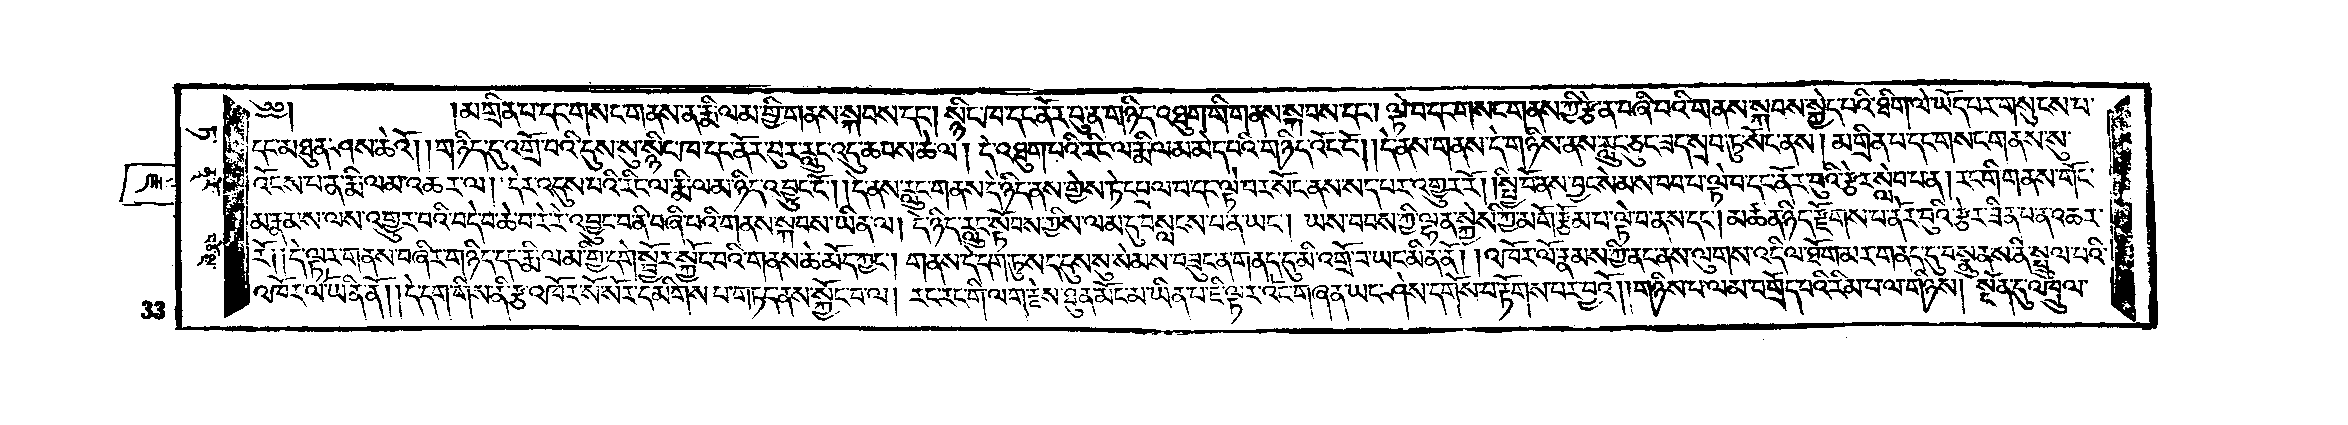༄༅། །མགྲིན་པ་དང་གསང་གནས་ན་རྨི་ལམ་གྱི་གནས་སྐབས་དང་། སྙིང་ཁ་དང་ནོར་བུ་ན་གཉིད་འཐུག་གི་གནས་སྐབས་དང་། ལྟེ་བ་དང་གསང་གནས་ཀྱི་རྩེ་ན་བཞི་པའི་གནས་སྐབས་སྐྱེད་པའི་ཐིག་ལེ་ཡོད་པར་གསུངས་པ་
དང་མཐུན་ཤས་ཆེའོ། །གཉིད་དུ་འགྲོ་བའི་དུས་སུ་སྙིང་ཁ་དང་ནོར་བུར་རླུང་འདུ་ཚབས་ཆེ་ལ། དེ་འཐུག་པའི་རིང་ལ་རྨི་ལམ་མེད་པའི་གཉིད་འོང་ངོ། །དེ་ནས་གནས་དེ་གཉིས་ནས་རླུང་ཅུང་ཟད་སྲབ་ཏུ་སོང་ནས། མགྲིན་པ་དང་གསང་གནས་སུ་
འོངས་པ་ན་རྨི་ལམ་འཆར་ལ། དེར་འདུས་པའི་རིང་ལ་རྨི་ལམ་ཉིད་འབྱུང་ངོ། །དེ་ནས་རླུང་གནས་དེ་ཉིད་ནས་གྱེས་ཏེ་དཔྲལ་བ་དང་ལྟེ་བར་སོང་ནས་སད་པར་འགྱུར་རོ། །སྤྱི་བོ་ནས་བྱང་སེམས་བབ་པ་ལྟེ་བ་དང་ནོར་བུའི་རྩེར་སླེབ་པ་ན། རང་གི་གནས་གོང་
མ་རྣམས་ལས་འགྱུར་བའི་བདེ་བ་ཆེ་བ་རེ་རེ་འབྱུང་བ་ནི་བཞི་པའི་གནས་སྐབས་ཡིན་ལ། དེ་ཉིད་རླུང་སྟོབས་ཀྱིས་ལམ་དུ་བསླངས་པ་ན་ཡང་། ཡས་བབས་ཀྱི་ལྷན་སྐྱེས་ཀྱི་མགོ་རྩོམ་པ་ལྟེ་བ་ནས་དང་། མཚན་ཉིད་རྫོགས་པ་ནོར་བུའི་རྩེར་ཟིན་པ་ན་འཆར་
རོ། །དེ་ལྟར་གནས་བཞིར་གཉིད་དང་རྨི་ལམ་གྱི་དགེ་སྦྱོར་སྐྱོང་བའི་གནས་ཆེ་མོད་ཀྱང་། གནས་དེ་དག་ཏུ་སད་དུས་སུ་སེམས་བཟུང་ན་གནད་དུ་མི་འགྲོ་བ་ཡང་མིན་ནོ། །འཁོར་ལོ་རྣམས་ཀྱི་ནང་ནས་ལུགས་འདི་ལ་ཐོག་མར་གནད་དུ་བསྣུན་ས་ནི་སྤྲུལ་པའི་
འཁོར་ལོ་ཡིན་ནོ། །དེ་དག་གིས་ནི་རྩ་འཁོར་སོ་སོར་དམིགས་པ་གཏད་ནས་སྐྱོང་བ་ལ། རང་རང་གི་ལག་རྗེས་ཐུན་མོང་མ་ཡིན་པ་ཇི་ལྟར་འོང་གཞན་ཡང་ཤེས་དགོས་པ་རྟོགས་པར་བྱའོ། །གཉིས་པ་ལམ་བགྲོད་པའི་རིམ་པ་ལ་གཉིས། སྔོན་དུ་འཁྲུལ་